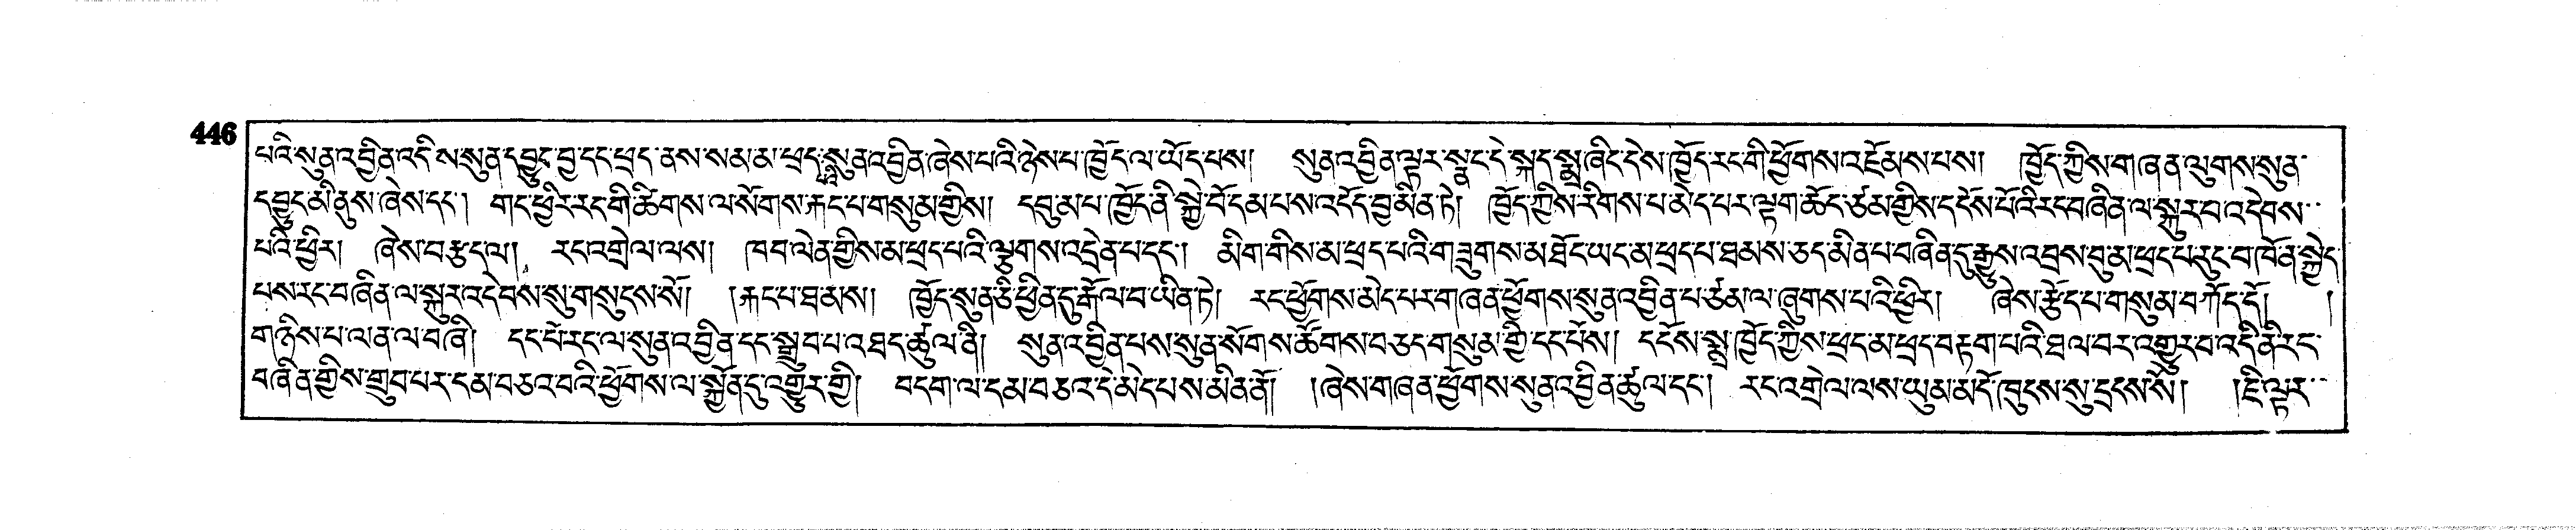པའི་སུན་འབྱིན་འདིས་སུན་དབྱུང་བྱ་དང་ཕྲད་ནས་སམ་མ་ཕྲད་པའི་སུན་འབྱིན་ཞེས་པའི་ཉེས་པ་ཁྱོད་ལ་ཡོད་པས། སུན་འབྱིན་ལྟར་སྣང་དེ་སྐད་སྨྲ་ཞིང་དེས་ཁྱོད་རང་གི་ཕྱོགས་འཇོམས་པས། ཁྱོད་ཀྱིས་གཞན་ལུགས་སུན་
དབྱུང་མི་ནུས་ཞེས་དང་། གང་ཕྱིར་རང་གི་ཚིགས་ལ་སོགས་རྐང་པ་གསུམ་གྱིས། དབུ་མ་པ་ཁྱོད་ནི་སྐྱེ་བོ་དམ་པས་འདོད་བྱ་མིན་ཏེ། ཁྱོད་ཀྱིས་རིགས་པ་མེད་པར་ལྟག་ཆོད་ཙམ་གྱིས་དངོས་པོའི་རང་བཞིན་ལ་སྐུར་བ་འདེབས་
པའི་ཕྱིར། ཞེས་བརྩད་ལ། རང་འགྲེལ་ལས། ཁབ་ལེན་གྱིས་མ་ཕྲད་པའི་ལྕགས་འདྲེན་པ་དང་། མིག་གིས་མ་ཕྲད་པའི་གཟུགས་མཐོང་ཡང་མ་ཕྲད་པ་ཐམས་ཅད་མིན་པ་བཞིན་དུ་རྒྱུས་འབྲས་བུ་མ་ཕྲད་པ་རུང་བ་ཁོ་ན་སྐྱེད་
པས་རང་བཞིན་ལ་སྐུར་འདེབས་སུ་གསུངས་སོ། །རྐང་པ་ཐ་མས། ཁྱོད་སུན་ཅི་ཕྱིན་དུ་རྒོལ་བ་ཡིན་ཏེ། རང་ཕྱོགས་མེད་པར་གཞན་ཕྱོགས་སུན་འབྱིན་པ་ཙམ་ལ་ཞུགས་པའི་ཕྱིར། ཞེས་རྩོད་པ་གསུམ་བཀོད་དོ། །
གཉིས་པ་ལན་ལ་བཞི། དང་པོ་རང་ལ་སུན་འབྱིན་དང་སྒྲུབ་པ་འཐད་ཚུལ་ནི། སུན་འབྱིན་པས་སུན་སོགས་ཚོགས་བཅད་གསུམ་གྱི་དང་པོས། དངོས་སྨྲ་ཁྱོད་ཀྱིས་ཕྲད་མ་ཕྲད་བརྟག་པའི་ཐལ་བར་འགྱུར་བ་འདི་ནི་རང་
བཞིན་གྱིས་གྲུབ་པར་དམ་བཅའ་བའི་ཕྱོགས་ལ་སྐྱོན་དུ་འགྱུར་གྱི། བདག་ལ་དམ་བཅའ་དེ་མེད་པས་མིན་ནོ། །ཞེས་གཞན་ཕྱོགས་སུན་འབྱིན་ཚུལ་དང་། རང་འགྲེལ་ལས་ཡུམ་མདོ་ཁུངས་སུ་དྲངས་སོ། །ཇི་ལྟར་